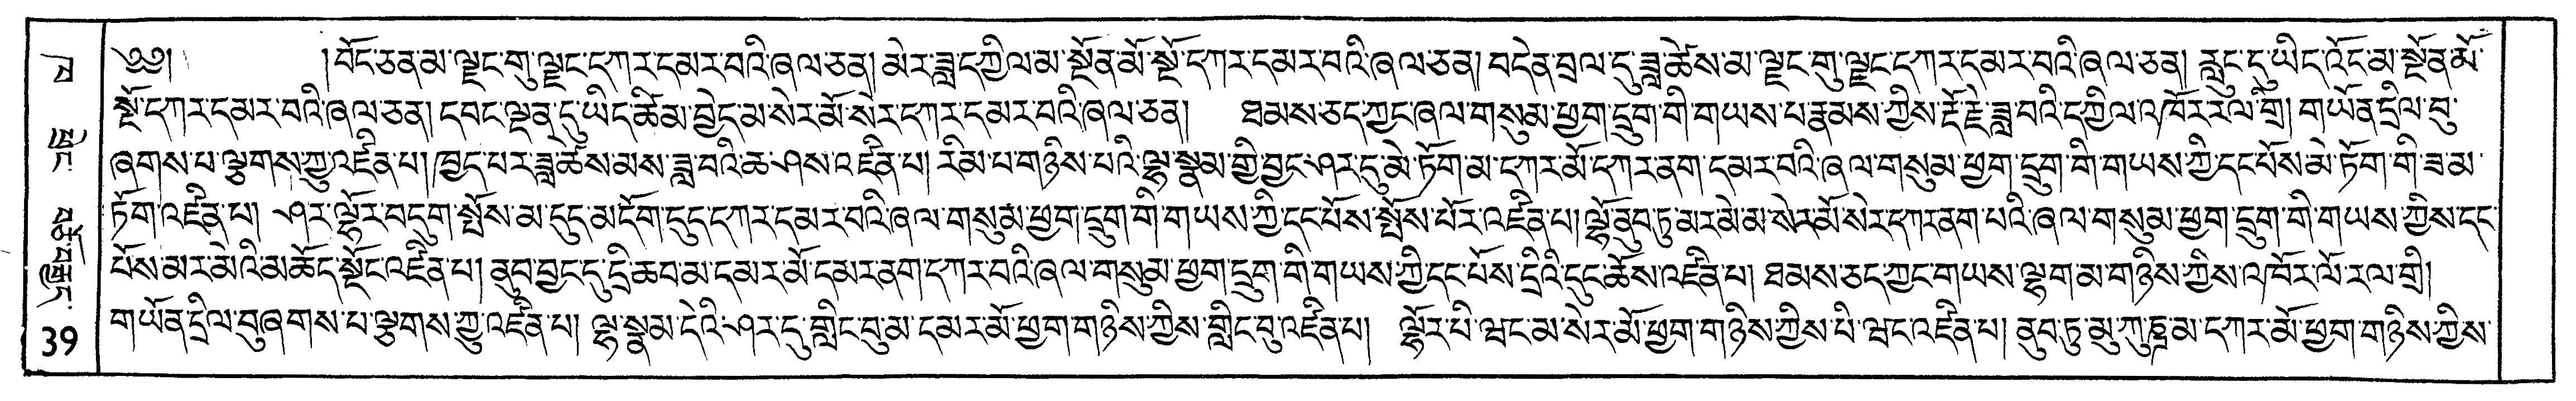༄༅། །བོང་ཅན་མ་ལྗང་གུ་ལྗང་དཀར་དམར་བའི་ཞལ་ཅན། མེར་ཟླ་དཀྱིལ་མ་སྔོན་མོ་སྔོ་དཀར་དམར་བའི་ཞལ་ཅན། བདེན་བྲལ་དུ་ཟླ་ཚེས་མ་ལྗང་གུ་ལྗང་དཀར་དམར་བའི་ཞལ་ཅན། རླུང་དུ་ཡིད་འོང་མ་སྔོན་མོ་
སྔོ་དཀར་དམར་བའི་ཞལ་ཅན། དབང་ལྡན་དུ་ཡིད་ཚིམ་བྱེད་མ་སེར་མོ་སེར་དཀར་དམར་བའི་ཞལ་ཅན། ཐམས་ཅད་ཀྱང་ཞལ་གསུམ་ཕྱག་དྲུག་གི་གཡས་པ་རྣམས་ཀྱིས་རྡོ་རྗེ་ཟླ་བའི་དཀྱིལ་འཁོར་རལ་གྲི། གཡོན་དྲིལ་བུ་
ཞགས་པ་ལྕགས་ཀྱུ་འཛིན་པ། ཁྱད་པར་ཟླ་ཚེས་མས་ཟླ་བའི་ཆ་ཤས་འཛིན་པ། རིམ་པ་གཉིས་པའི་ལྷ་སྣམ་གྱི་བྱང་ཤར་དུ་མེ་ཏོག་མ་དཀར་མོ་དཀར་ནག་དམར་བའི་ཞལ་གསུམ་ཕྱག་དྲུག་གི་གཡས་ཀྱི་དང་པོས་མེ་ཏོག་གི་ཟ་མ་
ཏོག་འཛིན་པ། ཤར་ལྷོར་བདུག་སྤོས་མ་དུད་མདོག་དུད་དཀར་དམར་བའི་ཞལ་གསུམ་ཕྱག་དྲུག་གི་གཡས་ཀྱི་དང་པོས་སྤོས་པོར་འཛིན་པ། ལྷོ་ནུབ་ཏུ་མར་མེ་མ་སེར་མོ་སེར་དཀར་ནག་པའི་ཞལ་གསུམ་ཕྱག་དྲུག་གི་གཡས་ཀྱིས་དང་
པོས་མར་མེའི་མཆོད་སྡོང་འཛིན་པ། ནུབ་བྱང་དུ་དྲི་ཆབ་མ་དམར་མོ་དམར་ནག་དཀར་བའི་ཞལ་གསུམ་ཕྱག་དྲུག་གི་གཡས་ཀྱི་དང་པོས་དྲིའི་དུང་ཆོས་འཛིན་པ། ཐམས་ཅད་ཀྱང་གཡས་ལྷག་མ་གཉིས་ཀྱིས་འཁོར་ལོ་རལ་གྲི།
གཡོན་དྲིལ་བུ་ཞགས་པ་ལྕགས་ཀྱུ་འཛིན་པ། ལྷ་སྣམ་དེའི་ཤར་དུ་གླིང་བུ་མ་དམར་མོ་ཕྱག་གཉིས་ཀྱིས་གླིང་བུ་འཛིན་པ། ལྷོར་པི་ཝང་མ་སེར་མོ་ཕྱག་གཉིས་ཀྱིས་པི་ཝང་འཛིན་པ། ནུབ་ཏུ་མུ་ཀུཎྜ་མ་དཀར་མོ་ཕྱག་གཉིས་ཀྱིས་